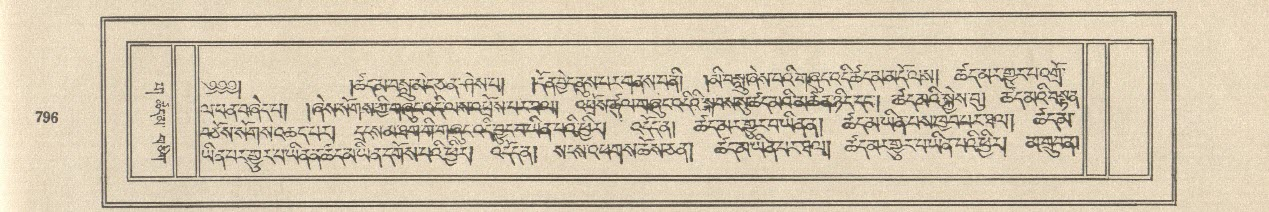༄༅༅། །ཚད་མ་བསླུ་མེད་ཅན་ཤེས་པ། །དོན་བྱེད་ནུས་པར་གནས་པ་ནི། །མི་བསླུ་ཞེས་པའི་གཞུང་འདི་ཚད་མ་མདོ་ལས། ཚད་མར་གྱུར་པ་འགྲོ་
ལ་ཕན་བཞེད་པ། །ཞེས་སོགས་ཀྱི་གཞུང་འདི་ལས་འཕྲོས་པར་ཐལ། འཕྲོས་ཚུལ་གཞུང་འདིའི་སྐབས་སུ་ཚད་མའི་མཚན་ཉིད་དང་། ཚད་མའི་སྐྱེས་བུ། ཚད་མའི་བསྟན་
བཅོས་སོགས་འཆད་པར། དྲངས་མ་ཐག་གི་གཞུང་འདི་བྱུང་བ་ཡིན་པའི་ཕྱིར། འདོད་ན། ཚད་མར་གྱུར་པ་ཡིན་ན། ཚད་མ་ཡིན་པས་ཁྱབ་པར་ཐལ། ཚད་མ་
ཡིན་པར་གྱུར་པ་ཡིན་ན་ཚད་མ་ཡིན་དགོས་པའི་ཕྱིར། འདོད་ན། སངས་འཕགས་ཆོས་ཅན། ཚད་མ་ཡིན་པར་ཐལ། ཚད་མར་གྱུར་པ་ཡིན་པའི་ཕྱིར། མ་གྲུབ་ན།